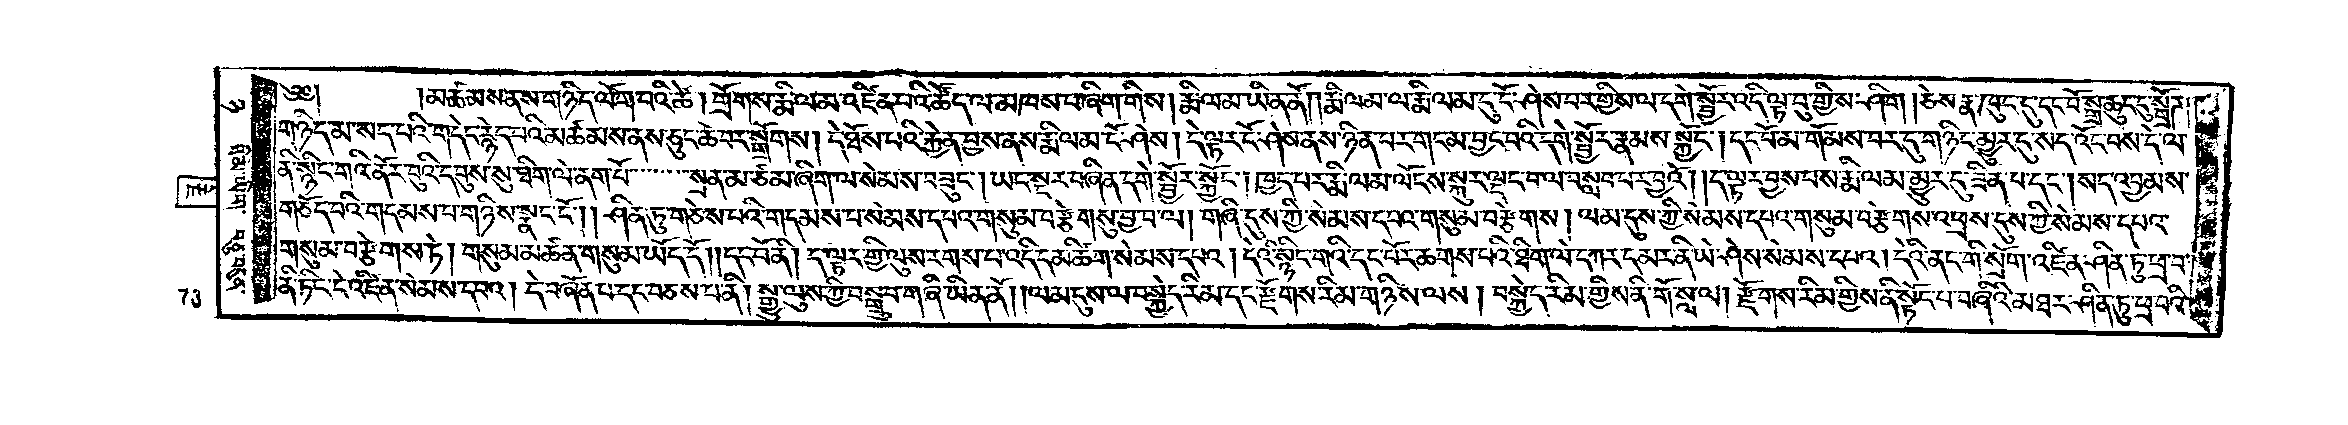༄༅། །མཚམས་ནས་གཉིད་ལོག་པའི་ཚེ། གྲོགས་རྨི་ལམ་འཛིན་པའི་ཚོད་ལ་མཁས་པ་ཞིག་གིས། རྨི་ལམ་ཡིན་ནོ། །རྨི་ལམ་ལ་རྨི་ལམ་དུ་ངོ་ཤེས་པར་གྱིས་ལ་དགེ་སྦྱོར་འདི་ལྟ་བུ་གྱིས་ཤིག །ཅེས་རྣ་ཁུང་དུ་དང་པོ་སྒྲ་ཆུང་དུ་སྒྲོགས།
གཉིད་མ་སད་པའི་གདེང་རྙེད་པའི་མཚམས་ནས་ཅུང་ཆེ་བར་སྒྲོགས། དེ་ཐོས་པའི་རྐྱེན་བྱས་ནས་རྨི་ལམ་ངོ་ཤེས། དེ་ལྟར་ངོ་ཤེས་ནས་ཉིན་པར་གང་མ་བྱང་བའི་དགེ་སྦྱོར་རྣམས་སྐྱོང་། དང་པོ་མ་གོམས་བར་དུ་གཉིད་མྱུར་དུ་སད་འོང་བས་དེ་ལ་
ནི་སྙིང་གའི་ནོར་བུའི་དབུས་སུ་ཐིག་ལེ་ནག་པོ་སྲན་མ་ཙམ་ཞིག་ལ་སེམས་བཟུང་། ཡང་སྔར་བཞིན་དགེ་སྦྱོར་སྐྱོང་། ཁྱད་པར་རྨི་ལམ་ལོངས་སྐུར་ལྡང་བ་ལ་བསླབ་པར་བྱའོ། །དེ་ལྟར་བྱས་པས་རྨི་ལམ་མྱུར་དུ་ཟིན་པ་དང་། སད་འབྱམས་
གཅོད་པའི་གདམས་པ་གཉིས་སྣང་ངོ། །ཤིན་ཏུ་གཅེས་པའི་གདམས་པ་སེམས་དཔའ་གསུམ་བརྩེ་གསུ་བྱ་བ་ལ། གཞི་དུས་ཀྱི་སེམས་དཔའ་གསུམ་བརྩེགས། ལམ་དུས་ཀྱི་སེམས་དཔའ་གསུམ་བརྩེགས་འཕྲས་དུས་ཀྱི་སེམས་དཔའ་
གསུམ་བརྩེགས་ཏེ། གསུམ་མཚན་གསུམ་ཡོད་དོ། །དང་པོ་ནི། ད་ལྟར་གྱི་ལུས་རགས་པ་འདི་དམ་ཚིག་སེམས་དཔའ། དེའི་སྙིང་གའི་དང་པོར་ཆགས་པའི་ཐིག་ལེ་དཀར་དམར་ནི་ཡེ་ཤེས་སེམས་དཔའ། དེའི་ནང་གི་སྲོག་འཛིན་ཤིན་ཏུ་ཕྲ་བ་
ནི་ཏིང་ངེ་འཛིན་སེམས་དཔའ། དེ་བཞོན་པ་དང་བཅས་པ་ནི། སྒྱུ་ལུས་ཀྱི་བསྒྲུབ་གཞི་ཡིན་ནོ། །ལམ་དུས་ལ་བསྐྱེད་རིམ་དང་རྫོགས་རིམ་གཉིས་ལས། བསྐྱེད་རིམ་གྱིས་ནི་གོ་སླ་ལ། རྫོགས་རིམ་གྱིས་ནི་སྟོང་པ་བཞིའི་མཐར་ཤིན་ཏུ་ཕྲ་བའི་